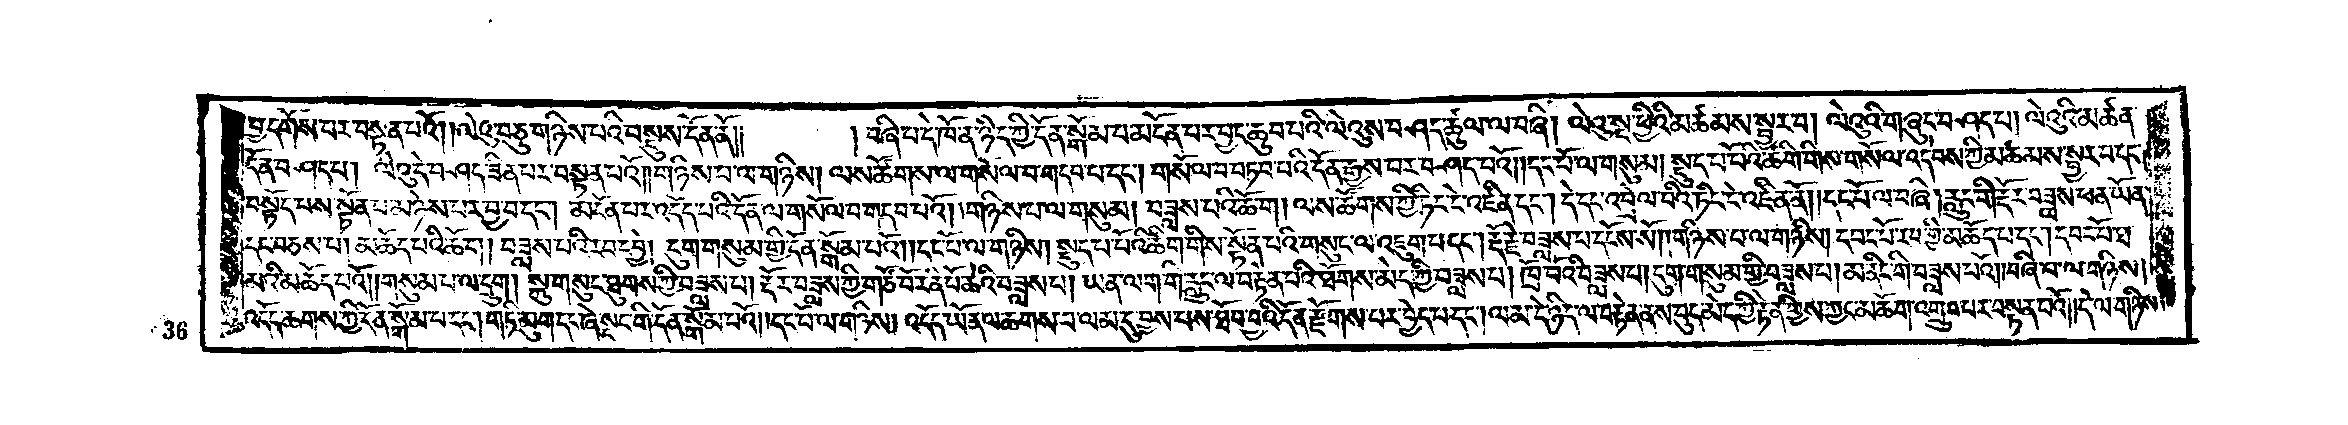བྱ་དགོས་པར་བསྟན་པའོ། །ལེའུ་བཅུ་གཉིས་པའི་བསྡུས་དོན་ནོ།། །།བཞི་པ་དེ་ཁོ་ན་ཉིད་ཀྱི་དོན་སྒོམ་པ་མངོན་པར་བྱང་ཆུབ་པའི་ལེའུས་བཤད་ཚུལ་ལ་བཞི། ལེའུ་སྔ་ཕྱིའི་མཚམས་སྦྱར་བ། ལེའུའི་གཞུང་བཤད་པ། ལེའུའི་མཚན་
དོན་བཤད་པ། ལེའུ་དེ་བཤད་ཟིན་པར་བསྟན་པའོ། །གཉིས་པ་ལ་གཉིས། ལས་ཚོགས་ལ་གསོལ་བ་གདབ་པ་དང་། གསོལ་བ་བཏབ་པའི་དོན་རྒྱས་པར་བཤད་པའོ། །དང་པོ་ལ་གསུམ། སྡུད་པ་པོའི་ཚིག་གིས་གསོལ་འདེབས་ཀྱི་མཚམས་སྦྱར་བ་དང་
བསྟོད་པས་སྟོན་པ་མཉེས་པར་བྱ་བ་དང་། མངོན་པར་འདོད་པའི་དོན་ལ་གསོལ་བ་གདབ་པའོ། །གཉིས་པ་ལ་གསུམ། བཟླས་པའི་ཆོ་ག །ལས་ཚོགས་ཀྱི་ཏིང་ངེ་འཛིན་དང་། དེ་དང་འབྲེལ་བའི་ཏིང་ངེ་འཛིན་ནོ། །དང་པོ་ལ་བཞི། རླུང་གི་རྡོར་བཟླས་ཕན་ཡོན་
དང་བཅས་པ། མཆོད་པའི་ཆོ་ག །བཟླས་པའི་རབ་དབྱེ། དུག་གསུམ་གྱི་དོན་སྒོམ་པའོ། །དང་པོ་ལ་གཉིས། སྡུད་པ་པོའི་ཚིག་གིས་སྟོན་པའི་གསུང་ལ་འཇུག་པ་དང་། རྡོ་རྗེ་བཟླས་པ་དངོས་སོ། །གཉིས་པ་ལ་གཉིས། དབང་པོ་རབ་གྱི་མཆོད་པ་དང་། དབང་པོ་ཐ་
མའི་མཆོད་པའོ། །གསུམ་པ་ལ་དྲུག །སྐུ་གསུང་ཐུགས་ཀྱི་བཟླས་པ། རྡོར་བཟླས་ཀྱི་གཙོ་བོ་རིན་པོ་ཆེའི་བཟླས་པ། ཡན་ལག་གི་རླུང་ལ་བརྟེན་པའི་ཐོགས་མེད་ཀྱི་བཟླས་པ། ཁྲོ་བོའི་བཟླས་པ། དུག་གསུམ་གྱི་བཟླས་པ། མ་ནིང་གི་བཟླས་པའོ། །བཞི་པ་ལ་གཉིས།
འདོད་ཆགས་ཀྱི་དོན་སྒོམ་པ་དང་། གཏི་མུག་དང་ཞེ་སྡང་གི་དོན་སྒོམ་པའོ། །དང་པོ་ལ་གཉིས། འདོད་ཡོན་ལ་ཆགས་པ་ལམ་དུ་བྱས་པས་ཐོབ་བྱའི་དོན་རྫོགས་པར་བྱེད་པ་དང་། ལམ་དེ་ཉིད་ལ་བརྟེན་ནས་བུད་མེད་ཀྱི་རྟེན་གྱིས་ཀྱང་མཆོག་འགྲུབ་པར་བསྟན་པའོ། །དེ་ལ་གཉིས་